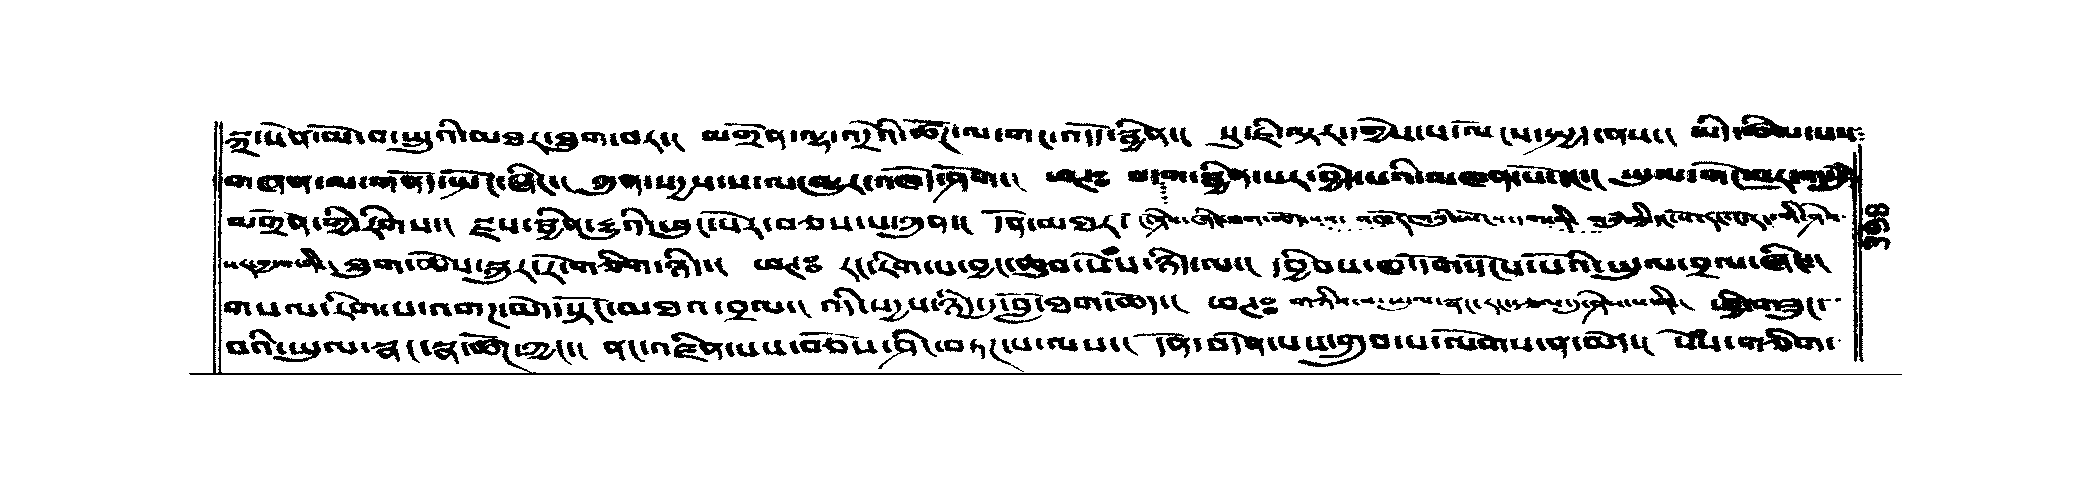སྐྲ་སེན་མོ་བ་སྤུའི་མཐར་ཐུག་བར། །མགྲོན་ལྷ་འདྲེའི་ཚོགས་ལ་གང་འདོད་སྦྱིན། །སུ་ཇི་ལྟར་དགྱེས་པ་ལོངས་སྤྱད་ནས། །ཡིད་ཚིམ་པས་
གཞན་ལ་གནོད་སྤོང་ཞིང་། །ཀུན་སངས་རྒྱས་ས་ལ་མྱུར་འཁོད་ཤོག་།ཕཊཿ བདག་ངོ་ཤེས་ཤིང་ཐག་ཆད་པས། འཁོར་གསུམ་ཡོངས་དག་ནི། གསུམ་གྱི་དང་པོ་རང་ངོ་རང་གི་ངོ་ཤེས་པར་བྱ་བ་ནི། སྦྱིན་པར་བྱེད་པའི་མཁན་པོ་དང་། །ཡུལ་གོང་ཡུལ་གོང་བར་སུམ་
མགྲོན་གྱི་རིགས། །རྫས་སྦྱན་རྒྱུའི་ཕུང་པོར་བཅས་པ་ཀུན། །དོན་མཐར་
ཐུག་ཆོས་སྐུར་རོ་གཅིག་ཉིད། །ཕཊཿརང་རིག་པ་བྱང་ཆུབ་སེམས་ཉིད་ལ། །དབྱིབས་ཁ་དོག་དངོས་པོའི་ཡུལ་བྲལ་ཞིང་། །
གསལ་རིག་པ་འགགས་མེད་སྟོང་མཐའ་བྲལ། །འདི་སངས་རྒྱས་ཉིད་དུ་བློ་ཐག་ཆོད། །ཕཊཿགཉིས་པ་ཡུལ་སྣང་རང་རྩལ་དུ་ཤེས་པ་ནི། ཕྱི་གཟུང་
བའི་ཡུལ་སྣང་སྣ་ཚོགས་ཀྱང་། །ནང་འཛིན་པས་བཅོས་ཤིང་བཏགས་པ་ལས། །དོན་བདེན་པ་གྲུབ་པ་ལོགས་ན་མེད། །སེམས་གཅིག་